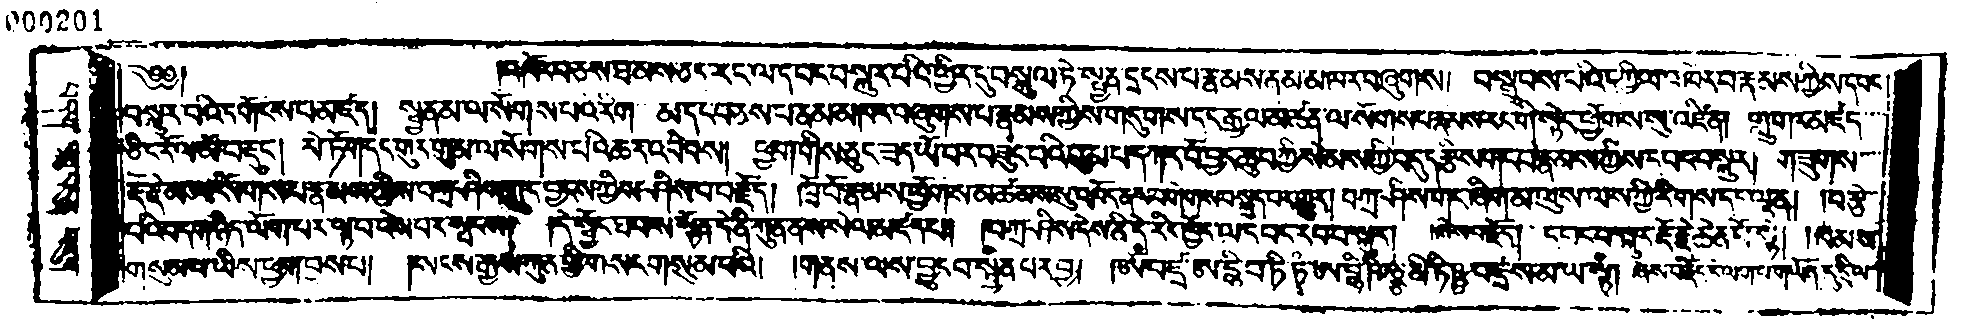༄༅། །འཁོར་བཅས་ཐམས་ཅད་རང་ལ་དབང་བསྐུར་པའི་ཕྱིར་དུ་བསྐུལ་ཏེ་སྤྱན་དྲངས་པ་རྣམས་ནམ་མཁར་བཞུགས། བསྒྲུབས་པའི་དཀྱིལ་འཁོར་བ་རྣམས་ཀྱིས་དབང་
བསྐུར་བའི་དགོངས་པ་མཛད། སྤྱན་མ་ལ་སོགས་པའི་རིག་མ་དང་བཅས་པ་ནམ་མཁར་བཞུགས་པ་རྣམས་ཀྱིས་གདུགས་དང་རྒྱལ་མཚན་ལ་སོགས་པ་རྣམས་རང་གི་སྟེང་ཕྱོགས་སུ་འཛིན། གླུ་གར་མཛད་
ཅིང་རོལ་མོ་བརྡུང་། མེ་ཏོག་དང་གུར་གུམ་ལ་སོགས་པའི་ཆར་འབེབས། ཕྱག་གིས་ཅུང་ཟད་ཡོ་བར་བཟུང་བའི་བུམ་པ་དཀར་པོ་བྱང་ཆུབ་ཀྱི་སེམས་ཀྱི་བདུད་རྩིས་གང་བ་རྣམས་ཀྱིས་དབང་བསྐུར། གཟུགས་
རྡོ་རྗེ་མ་ལ་སོགས་པ་རྣམས་ཀྱིས་བཀྲ་ཤིས་གླུ་དབྱངས་ཀྱིས་ཤིས་པ་བརྗོད། ཁྲོ་བོ་རྣམས་ཕྱོགས་མཚམས་སུ་འཁོད་ནས་བགེགས་བསྐྲད་པར་གྱུར། བཀྲ་ཤིས་གང་ཞིག་མ་ལུས་ལས་ཀྱི་རིགས་དང་ལྡན། །བརྩེ་
བའི་བདག་ཉིད་ལོག་པར་ལྟ་བ་ངེས་པར་སྤངས། །དེ་སྦྱོང་ཐབས་སྟོན་དེ་ནི་ཀུན་ནས་སེལ་མཛད་པ། །བཀྲ་ཤིས་དེས་ནི་དེ་རིང་ཁྱོད་ལ་དབང་རབ་བསྐུར། །ཞེས་བརྗོད། དབང་བསྐུར་རྡོ་རྗེ་ཆེན་པོ་སྟེ། །ཁམས་
གསུམ་པ་ཡིས་ཕྱག་བྱས་པ། །སངས་རྒྱས་ཀུན་གྱི་གསང་གསུམ་པའི། །གནས་ལས་བྱུང་བ་སྦྱིན་པར་བྱ། །ཨོཾ་བཛྲ་ཨ་དྷི་བ་ཏི་ཏྭཾ་ཨ་བྷི་ཥི་ཉྩ་མི་ཏི་ཥཊཿཨ་བཛྲ་ས་མ་ཡ་སྟྭཾ། ཞེས་བརྗོད་དེ་ལག་པ་གཡོན་དུ་དྲིལ་